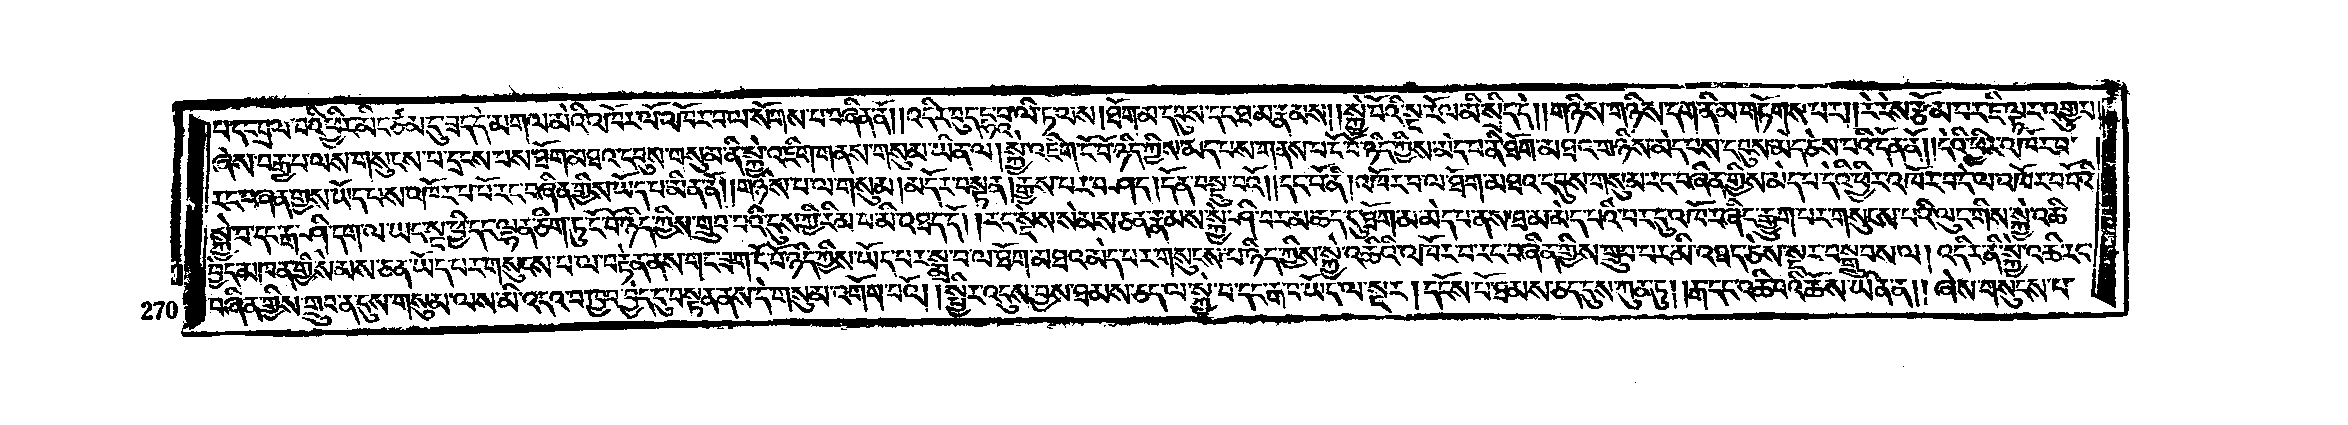པ་དང་བྲལ་བའི་ཕྱིར་མིང་ཙམ་དུ་ཟད་དེ་མགལ་མེའི་འཁོར་ལོ་འཁོར་བ་ལ་སོགས་པ་བཞིན་ནོ། །འདིར་བུད་དྷཱ་པཱ་ལི་ཏ་ལས། ཐོག་མ་དབུས་དང་ཐ་མ་རྣམས། །སྐྱེ་བོའི་སྔ་རོལ་མི་སྲིད་དེ། །གཉིས་གཉིས་དག་ནི་མ་གཏོགས་པར། །རེ་རེས་རྩོམ་པར་ཇི་ལྟར་འགྱུར།།
ཞེས་བརྒྱ་པ་ལས་གསུངས་པ་དྲངས་པས་ཐོག་མཐའ་དབུས་གསུམ་ནི་སྐྱེ་འཇིག་གནས་ནས་གསུམ་ཡིན་ལ། སྐྱེ་འཇིག་ངོ་བོ་ཉིད་ཀྱིས་མེད་པ་ནི་ཐོག་མཐའ་གཉིས་མེད་པས་དབུས་མེད་ཅེས་པའི་དོན་ནོ། །དེའི་ཕྱིར་འཁོར་བ་
རང་བཞིན་གྱིས་ཡོད་པས་འཁོར་བ་པོ་རང་བཞིན་གྱིས་ཡོད་པ་མིན་ནོ། །གཉིས་པ་ལ་གསུམ། །མདོར་བསྟན། རྒྱས་པར་བཤད། །དོན་བསྡུ་བའོ། །དང་པོ་ནི། འཁོར་བ་ལ་ཐོག་མཐའ་དབུས་གསུམ་རང་བཞིན་གྱིས་མེད་པ་དེའི་ཕྱིར་འཁོར་བ་དེ་ལ་འཁོར་བ་བོའི་
སྐྱེ་བ་དང་རྒ་ཤི་དག་ལ་ཡང་སྔ་ཕྱི་དང་ལྷན་ཅིག་ཏུ་ངོ་བོ་ཉིད་ཀྱིས་གྲུབ་པའི་དུས་ཀྱི་རིམ་པ་མི་འཐད་དོ། །རང་སྡེས་སེམས་ཅན་རྣམས་སྐྱེ་ཤི་བར་མ་ཆད་དུ་ཐོག་མ་མེད་པ་ནས་ཐ་མ་མེད་པའི་བར་དུ་འཁོར་ཞིང་རྒྱུག་པར་གསུངས་པའི་ལུང་གིས་སྐྱེ་འཆི་
བྱེད་མཁན་གྱི་སེམས་ཅན་ཡོད་པར་གསུངས་པ་ལ་བརྟེན་ནས་གང་ཟག་ངོ་བོ་ཉིད་ཀྱིས་ཡོད་པར་སྨྲ་བ་ལ་ཐོག་མཐའ་མེད་པར་གསུངས་པ་ཉིད་ཀྱིས་སྐྱེ་འཆིའི་འཁོར་བ་རང་བཞིན་གྱིས་གྲུབ་པ་མི་འཐད་ཅེས་སྔར་བསྒྲུབ་ལ། འདིར་ནི་སྐྱེ་འཆི་རང་
བཞིན་གྱིས་གྲུབ་ན་དུས་གསུམ་ལས་མི་འདའ་བར་ཁྱབ་བྱེད་དུ་བསྟན་ནས་དེ་གསུམ་འགོག་པའོ། །ཕྱིར་འདུས་བྱས་ཐམས་ཅད་ལ་སྐྱེ་བ་དང་རྒ་བ་ཡོད་ལ་སྔར། དངོས་པོ་ཐམས་ཅད་དུས་ཀུན་ཏུ། །རྒ་དང་འཆི་བའི་ཆོས་ཡིན་ན། །ཞེས་གསུངས་པ་